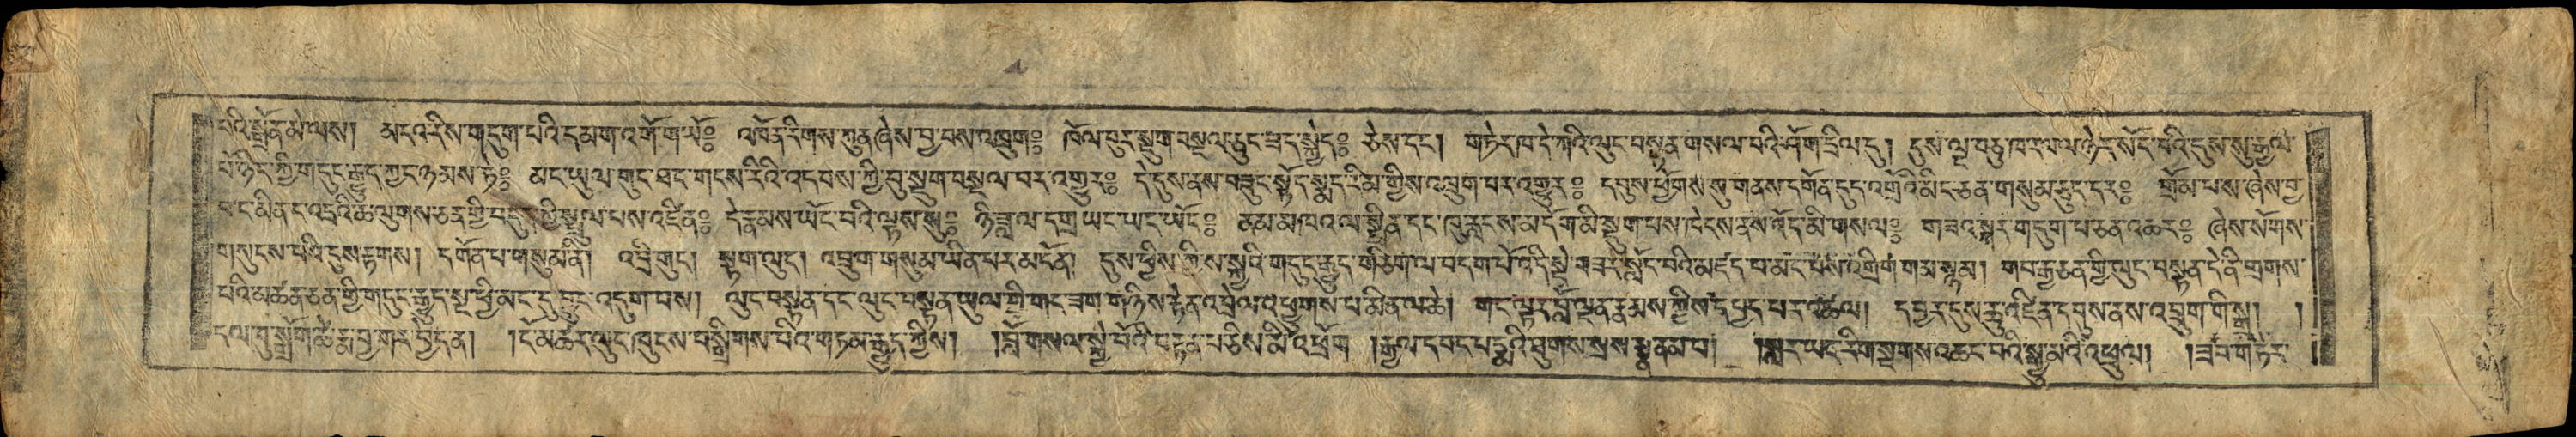བའི་སྒོན་མེ་ལས། མངའ་རིས་གདུག་པའི་དམག་འགོ་གཡོཿ་འཁོན་རིགས་ཀུན་ཞེས་བྱ་བས་འཁྲུགཿ་ཁོལ་བུར་སྡུག་བསྔལ་ཅུང་ཟད་སྐྱེདཿ་ཅེས་དང་། གཏེར་ཁ་དེ་ཀའི་ལུང་བསྟན་གསལ་བའི་ཤོག་དྲིལ་དུ། དུས་ལྔ་བཅུ་ཁ་རལ་ལ་ཉེར་སོང་བའི་དུས་སུ་རྒྱལ་
པོ་ཉིད་ཀྱི་གདུང་རྒྱུད་ཀྱང་ཉམས་ཏེཿ་མང་ཡུལ་གུང་ཐང་གངས་རིའི་འདབས་ཀྱི་བུ་སྡུག་བསྔལ་བར་འགྱུརཿ་དེ་དུས་ནས་བཟུང་སྟོད་སྨད་རིམ་གྱིས་འཁྲུག་པར་འགྱུརཿ་དབུས་ཕྱོགས་སུ་གནས་དགོན་དུང་འགྲོའི་མིང་ཅན་གསུམ་ཅུང་དརཿ་གྲོམ་པས་ཞེས་བྱ་
བ་ང་མིན་ང་འདྲའི་ཆ་ལུགས་ཅན་གྱི་བདུད་ཀྱི་སྤྲུལ་པས་འཛིནཿ་དེ་རྣམས་ཡོང་བའི་ལྟས་སུཿ་ཉི་ཟླ་ལ་དགྲ་ཡང་ཡོངཿ་ནམ་མཁའ་ལ་སྤྲིན་དང་ཁུ་རླངས་མདོག་མི་སྡུག་པས་ཁེངས་ནས་འོད་མི་གསལཿ་གཟའ་སྐར་གདུག་པ་ཅན་འཆརཿ་ཞེས་སོགས་
གསུངས་པའི་དུས་རྟགས། དགོན་པ་གསུམ་ནི། འབྲི་གུང་། སྟག་ལུང་། འབྲུག་གསུམ་ཡིན་པར་མངོན། དུས་ཕྱིས་ཀྱིས་སྐྱའི་གདུང་རྒྱུད་གཅིག་ལ་བདག་པོ་འདི་སྡེ་གཟར་སློང་བའི་མཛད་པ་མང་བས་འགྲིག་གམ་སྙམ། གབ་རྒྱ་ཅན་གྱི་ལུང་བསྟན་དེ་ནི་གྲགས་
པའི་མཚན་ཅན་གྱི་གདུང་རྒྱུད་སྔ་ཕྱི་མང་དུ་བྱུང་འདུག་པས། ལུང་བསྟན་དང་ལུང་བསྟན་ཡུལ་གྱི་གང་ཟག་གཉིས་རྟེན་འབྲེལ་འཕྱུགས་པ་མིན་ལ་ཆེ། གང་ལྟར་བློ་ལྡན་རྣམས་ཀྱིས་དཔྱད་པར་འཚལ། དབྱར་དུས་ཆུ་འཛིན་དབུས་ནས་འབྲུག་གི་སྒྲ། །
དལ་བུ་སྒྲག་ཚེ་རྨ་བྱ་གར་བྱེད་ན། །ངོ་མཚར་ལུང་ཁུངས་བསྒྲིགས་པའི་གཏམ་རྒྱུད་ཀྱིས། །བློ་གསལ་སྐྱེ་བོའི་བརྟན་པ་ཅིས་མི་འཕྲོག །རྒྱལ་དབང་པདམའི་ཐུགས་སྲས་སྣ་ནམ་པ། །སླར་ཡང་རིག་སྔགས་འཆང་བའི་སྒྱུ་མའི་འཕྲུལ། །ཟབ་གཏེར་